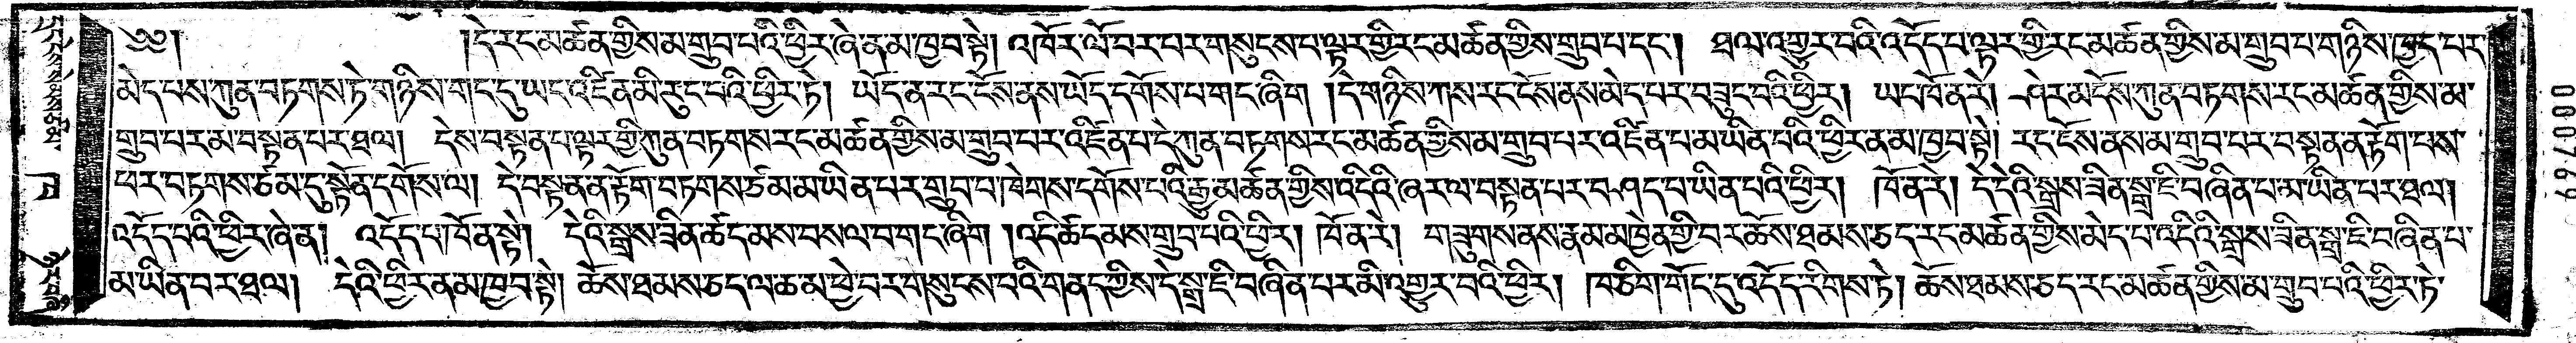༄༅། །དེ་རང་མཚན་གྱིས་མ་གྲུབ་པའི་ཕྱིར་ཞེ་ན་མ་ཁྱབ་སྟེ། འཁོར་ལོ་བར་པར་གསུངས་པ་ལྟར་གྱི་རང་མཚན་གྱིས་གྲུབ་པ་དང་། ཐལ་འགྱུར་བའི་འདོད་པ་ལྟར་གྱི་རང་མཚན་གྱིས་མ་གྲུབ་པ་གཉིས་ཁྱད་པར་
མེད་པས་ཀུན་བཏགས་དེ་གཉིས་གང་དུ་ཡང་འཛིན་མི་རུང་བའི་ཕྱིར་ཏེ། ཡོད་ན་རང་ངོས་ནས་ཡོད་དགོས་པ་གང་ཞིག །དེ་གཉིས་ཀས་རང་ངོས་ནས་མེད་པར་བཟུང་བའི་ཕྱིར། ཡང་ཁོ་ན་རེ། ཤེར་མདོས་ཀུན་བཏགས་རང་མཚན་གྱིས་མ་
གྲུབ་པར་མ་བསྟན་པར་ཐལ། དེས་བསྟན་པ་ལྟར་གྱི་ཀུན་བཏགས་རང་མཚན་གྱིས་མ་གྲུབ་པར་འཛིན་པ་དེ་ཀུན་བཏགས་རང་མཚན་གྱིས་མ་གྲུབ་པར་འཛིན་པ་མ་ཡིན་པའི་ཕྱིར་ན་མ་ཁྱབ་སྟེ། རང་ངོས་ནས་མ་གྲུབ་པར་བསྟན་ན་རྟོག་པས་
ཕར་བཏགས་ཙམ་དུ་སྟོན་དགོས་ལ། དེ་བསྟན་ན་རྟོག་བཏགས་ཙམ་མ་ཡིན་པར་གྲུབ་པ་ཁེགས་དགོས་པའི་རྒྱུ་མཚན་གྱིས་འདིའི་ཞར་ལ་བསྟན་པར་བཤད་པ་ཡིན་པའི་ཕྱིར། ཁོ་ན་རེ། དེ་དེའི་སྒྲས་ཟིན་སྒྲ་ཇི་བཞིན་པ་མ་ཡིན་པར་ཐལ།
འདོད་པའི་ཕྱིར་ཞེ་ན། འདོད་པ་ཁོ་ན་སྟེ། དེའི་སྒྲས་ཟིན་ཚད་མས་བསལ་བ་གང་ཞིག །འདི་ཚད་མས་གྲུབ་པའི་ཕྱིར། ཁོ་ན་རེ། གཟུགས་ནས་རྣམ་མཁྱེན་གྱི་བར་ཆོས་ཐམས་ཅད་རང་མཚན་གྱིས་མེད་པ་འདིའི་སྒྲས་ཟིན་སྒྲ་ཇི་བཞིན་པ་
མ་ཡིན་པར་ཐལ། དེའི་ཕྱིར་ན་མ་ཁྱབ་སྟེ། ཆོས་ཐམས་ཅད་ལ་ཆ་མ་ཕྱེ་བར་གསུངས་པའི་གནད་ཀྱིས་དེ་སྒྲ་ཇི་བཞིན་པར་མི་འགྱུར་བའི་ཕྱིར། ཁ་ཅིག་གོང་དུ་འདོད་རིགས་ཏེ། ཆོས་ཐམས་ཅད་རང་མཚན་གྱིས་མ་གྲུབ་པའི་ཕྱིར་ཏེ་